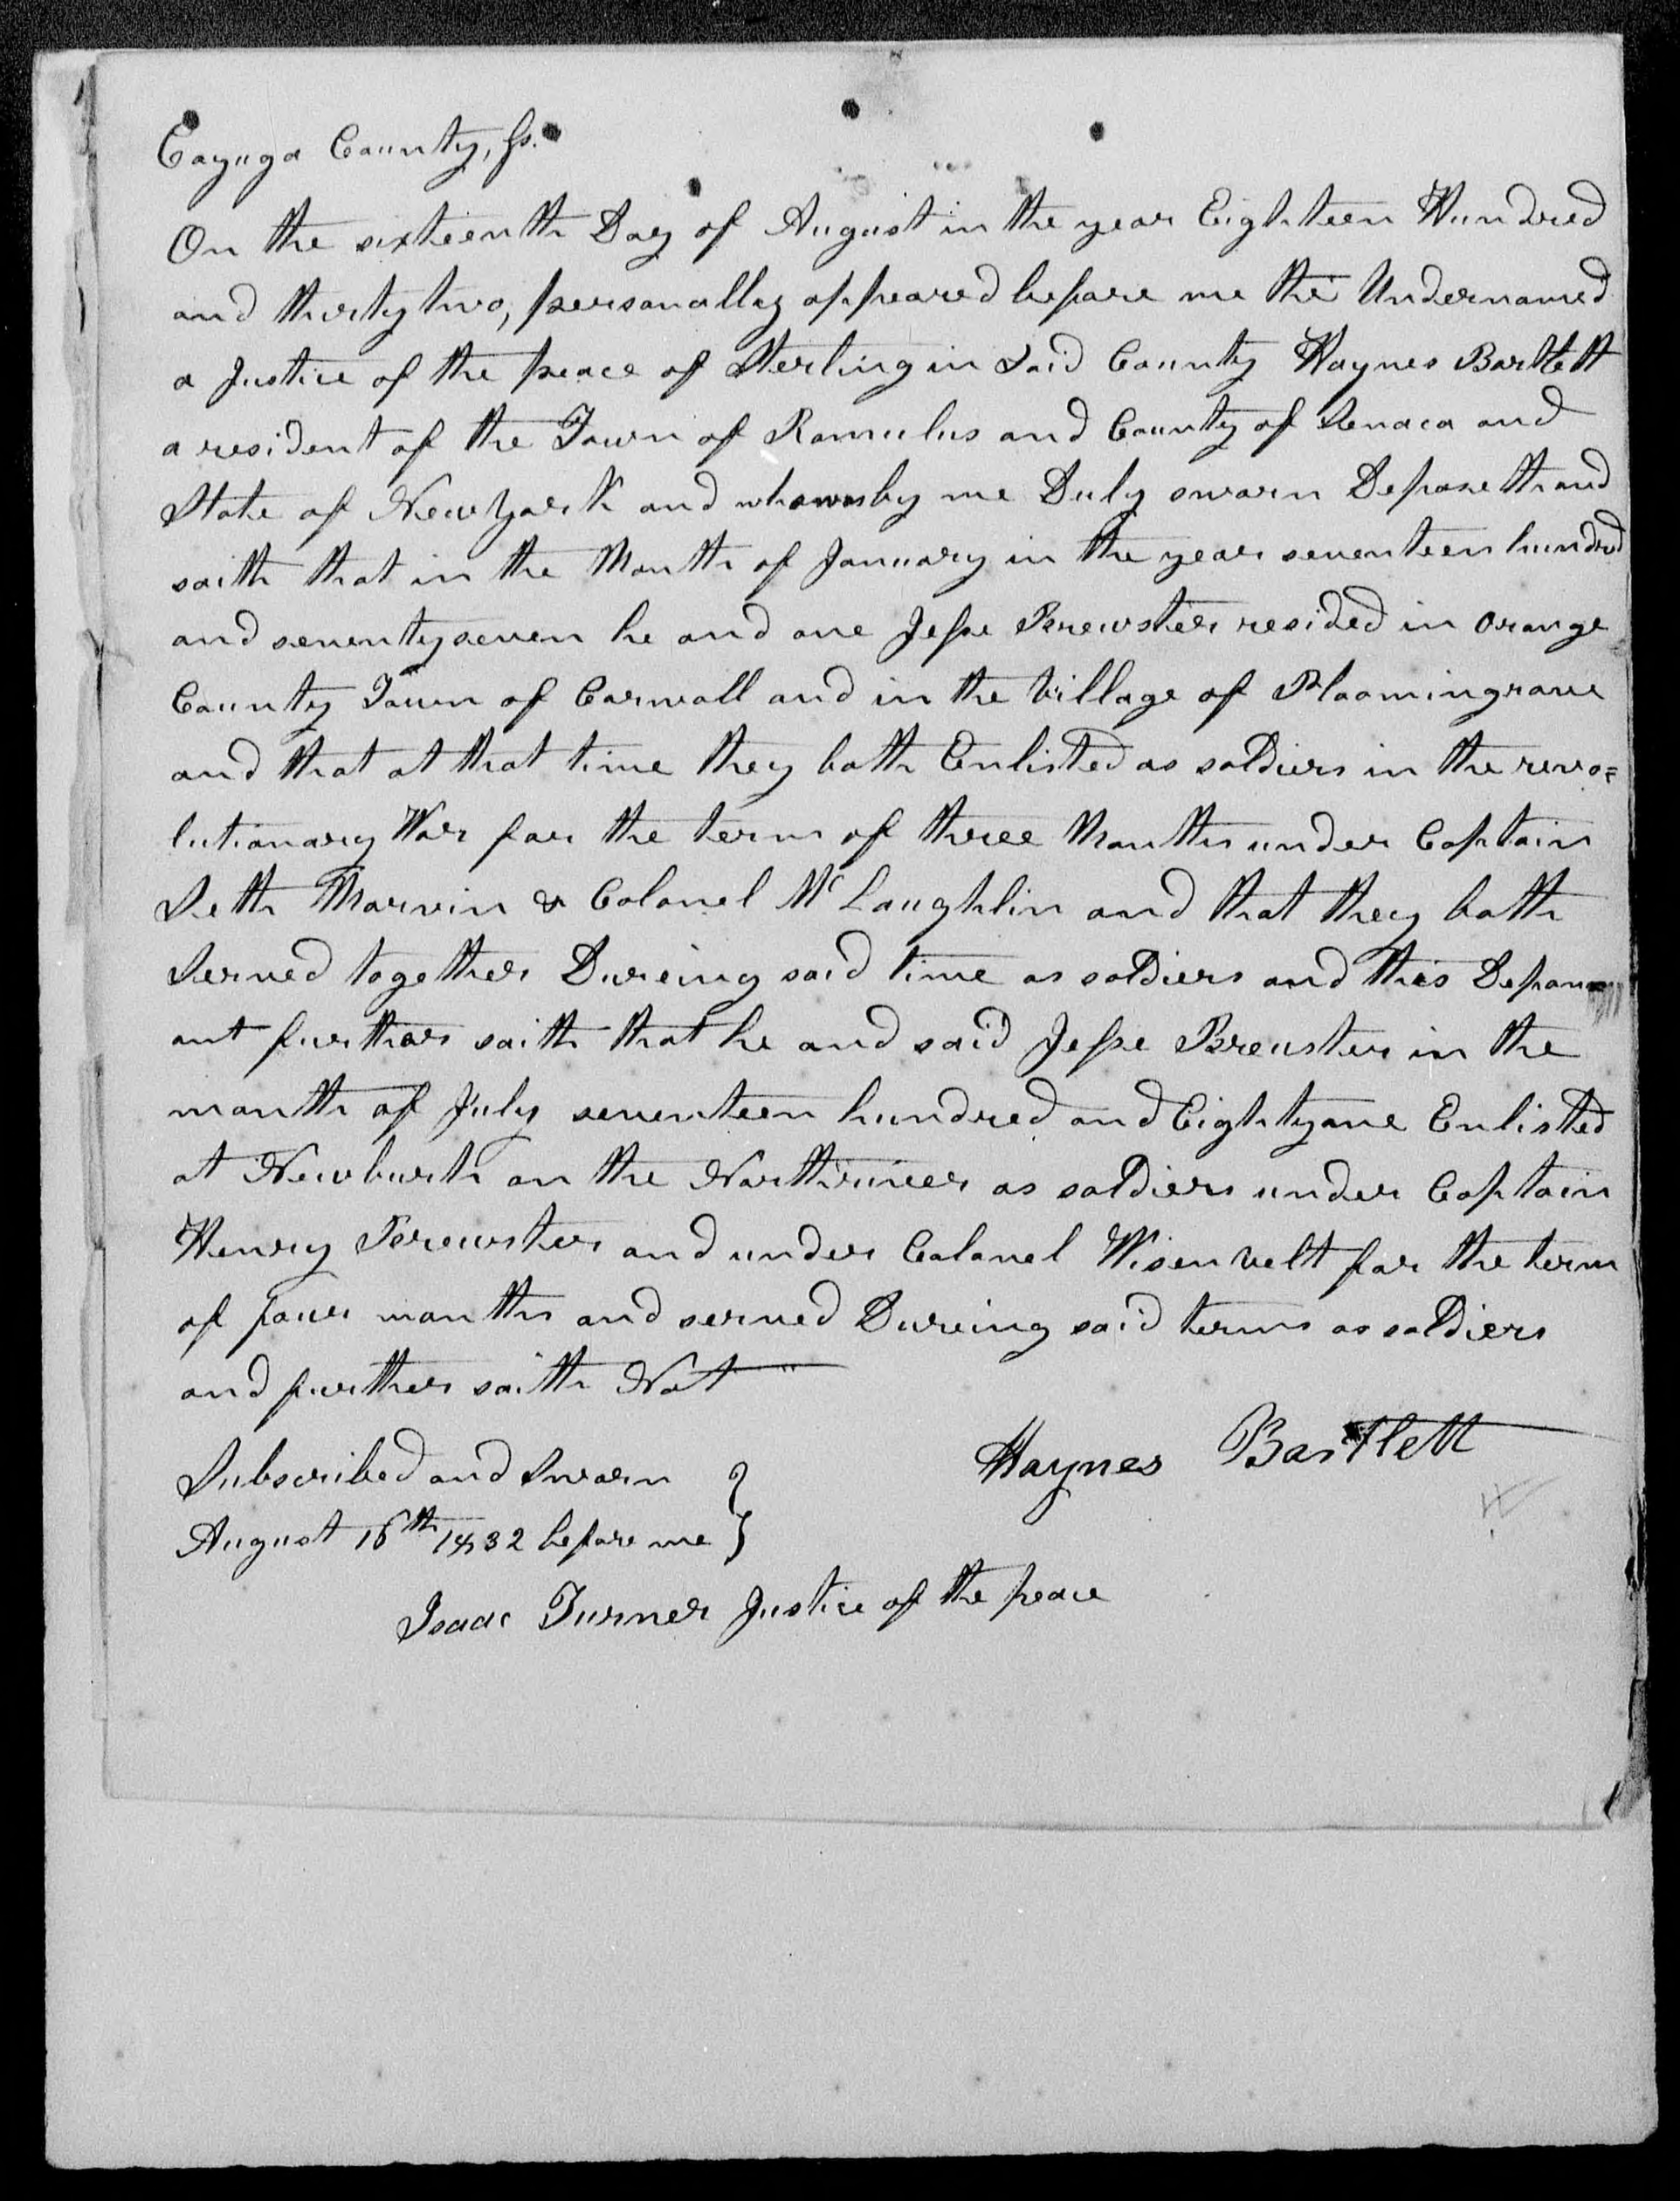Cayuga County Js
On the sixteenth day of August in the year Eighteen Hundred and thirty five, personally appeared before me the undernamed a Justice of the peace of Sterling in said county Haynes Bartlett a resident of the Town of Romulus and county of Seneca and State of New York and who was by me duly sworn before me and saith that in the month of January in the year seventeen hundred and seventy seven he and one Jesse Brewster resided in Orange County Town of Cornwall and in the village of Bloomingrove and that at that time they both enlisted as soldiers in the revolutionary War for the term of three months under Captain Seth Marvin + Colonel McLaughlin and that they both served together during said time as soldiers and this deponent further saith that he and said Jesse Brewster in the month of July seventeen hundred and eighty one enlisted at Newburgh on the Northi[?] as soldiers under Captain Henry Brewster and under Colonel Wisenvelt for the term of four months and served during said terms as soldiers and further said not
Haynes Bartlett
Subscribed and sworn August 18th 1832 before me Isaac Turner Justice of the Peace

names: Isaac Turner, Wisenvelt, Haynes Bartlett, Haynes Bartlett, Seth Marvin, Jesse Brewster, Henry Brewster, Jesse Brewster, Mc Laughlin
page: 18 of 26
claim: survivor's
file: S. 12,291, Jesse Brewster, New York